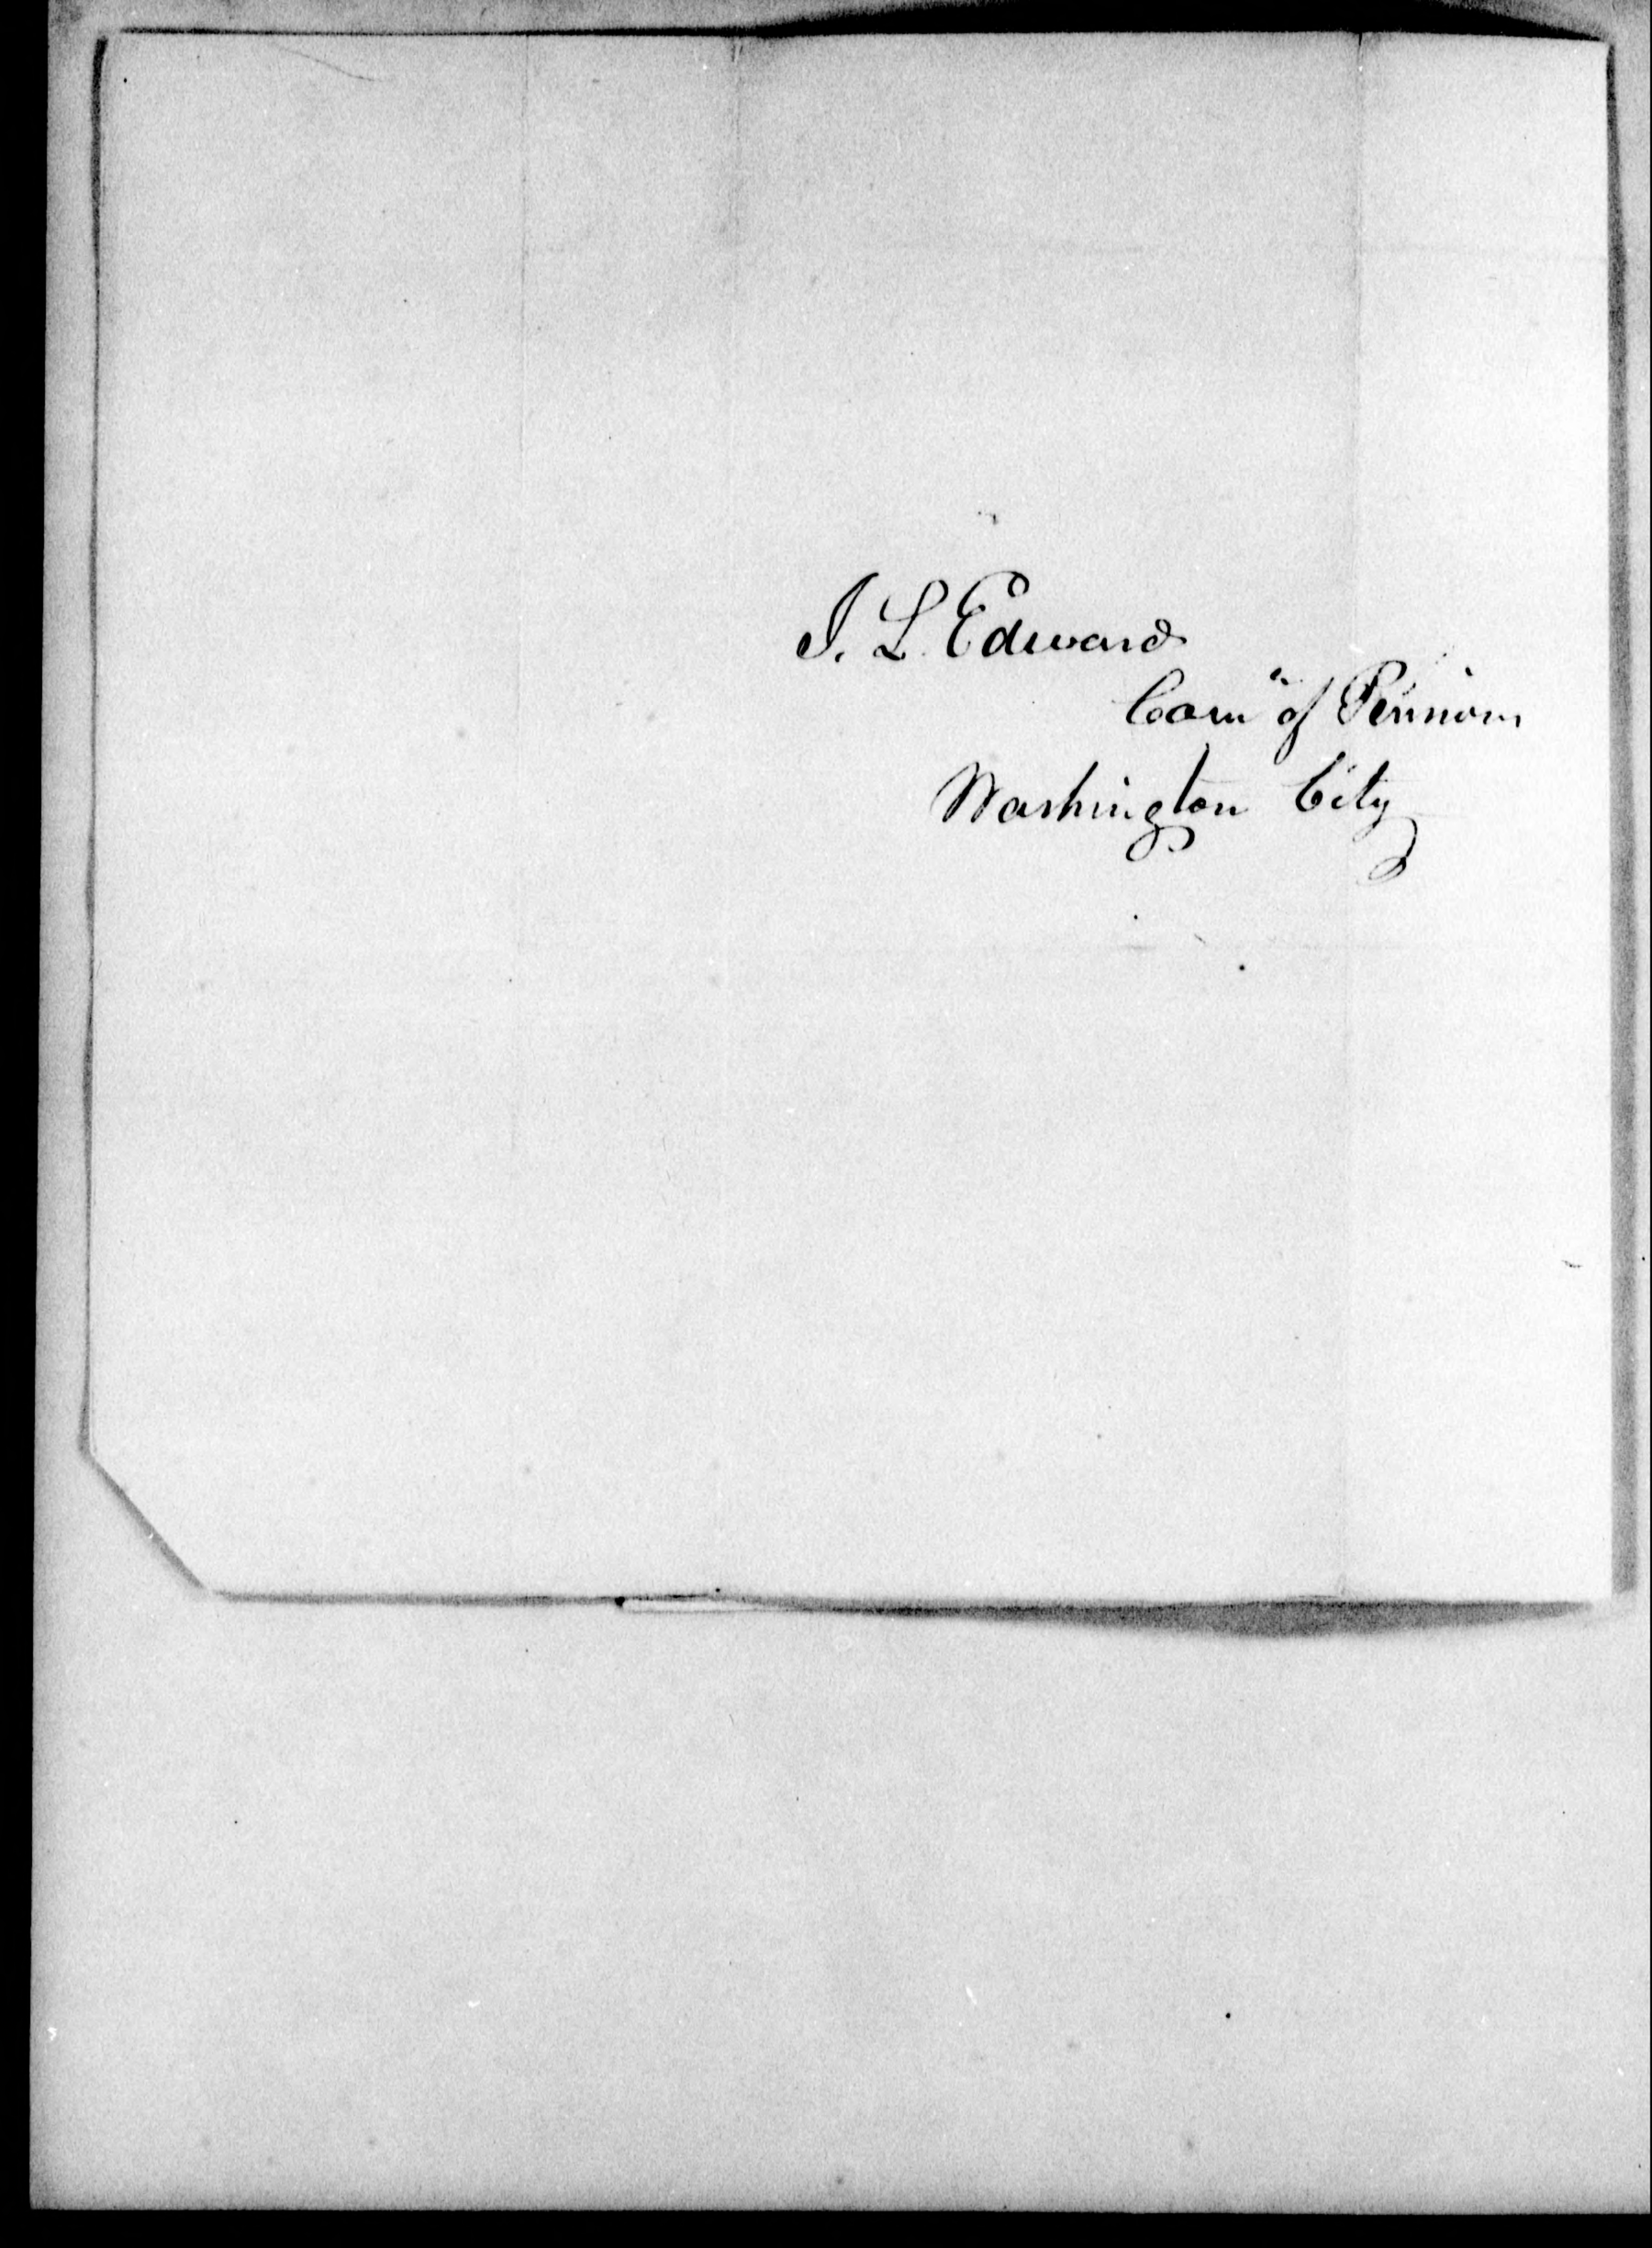J. L. Edwards
Comr of Pensions
Washington City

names: J L Edwards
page: 63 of 70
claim: rejected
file: R. 10,832, Martin Van Buskirk, New York.